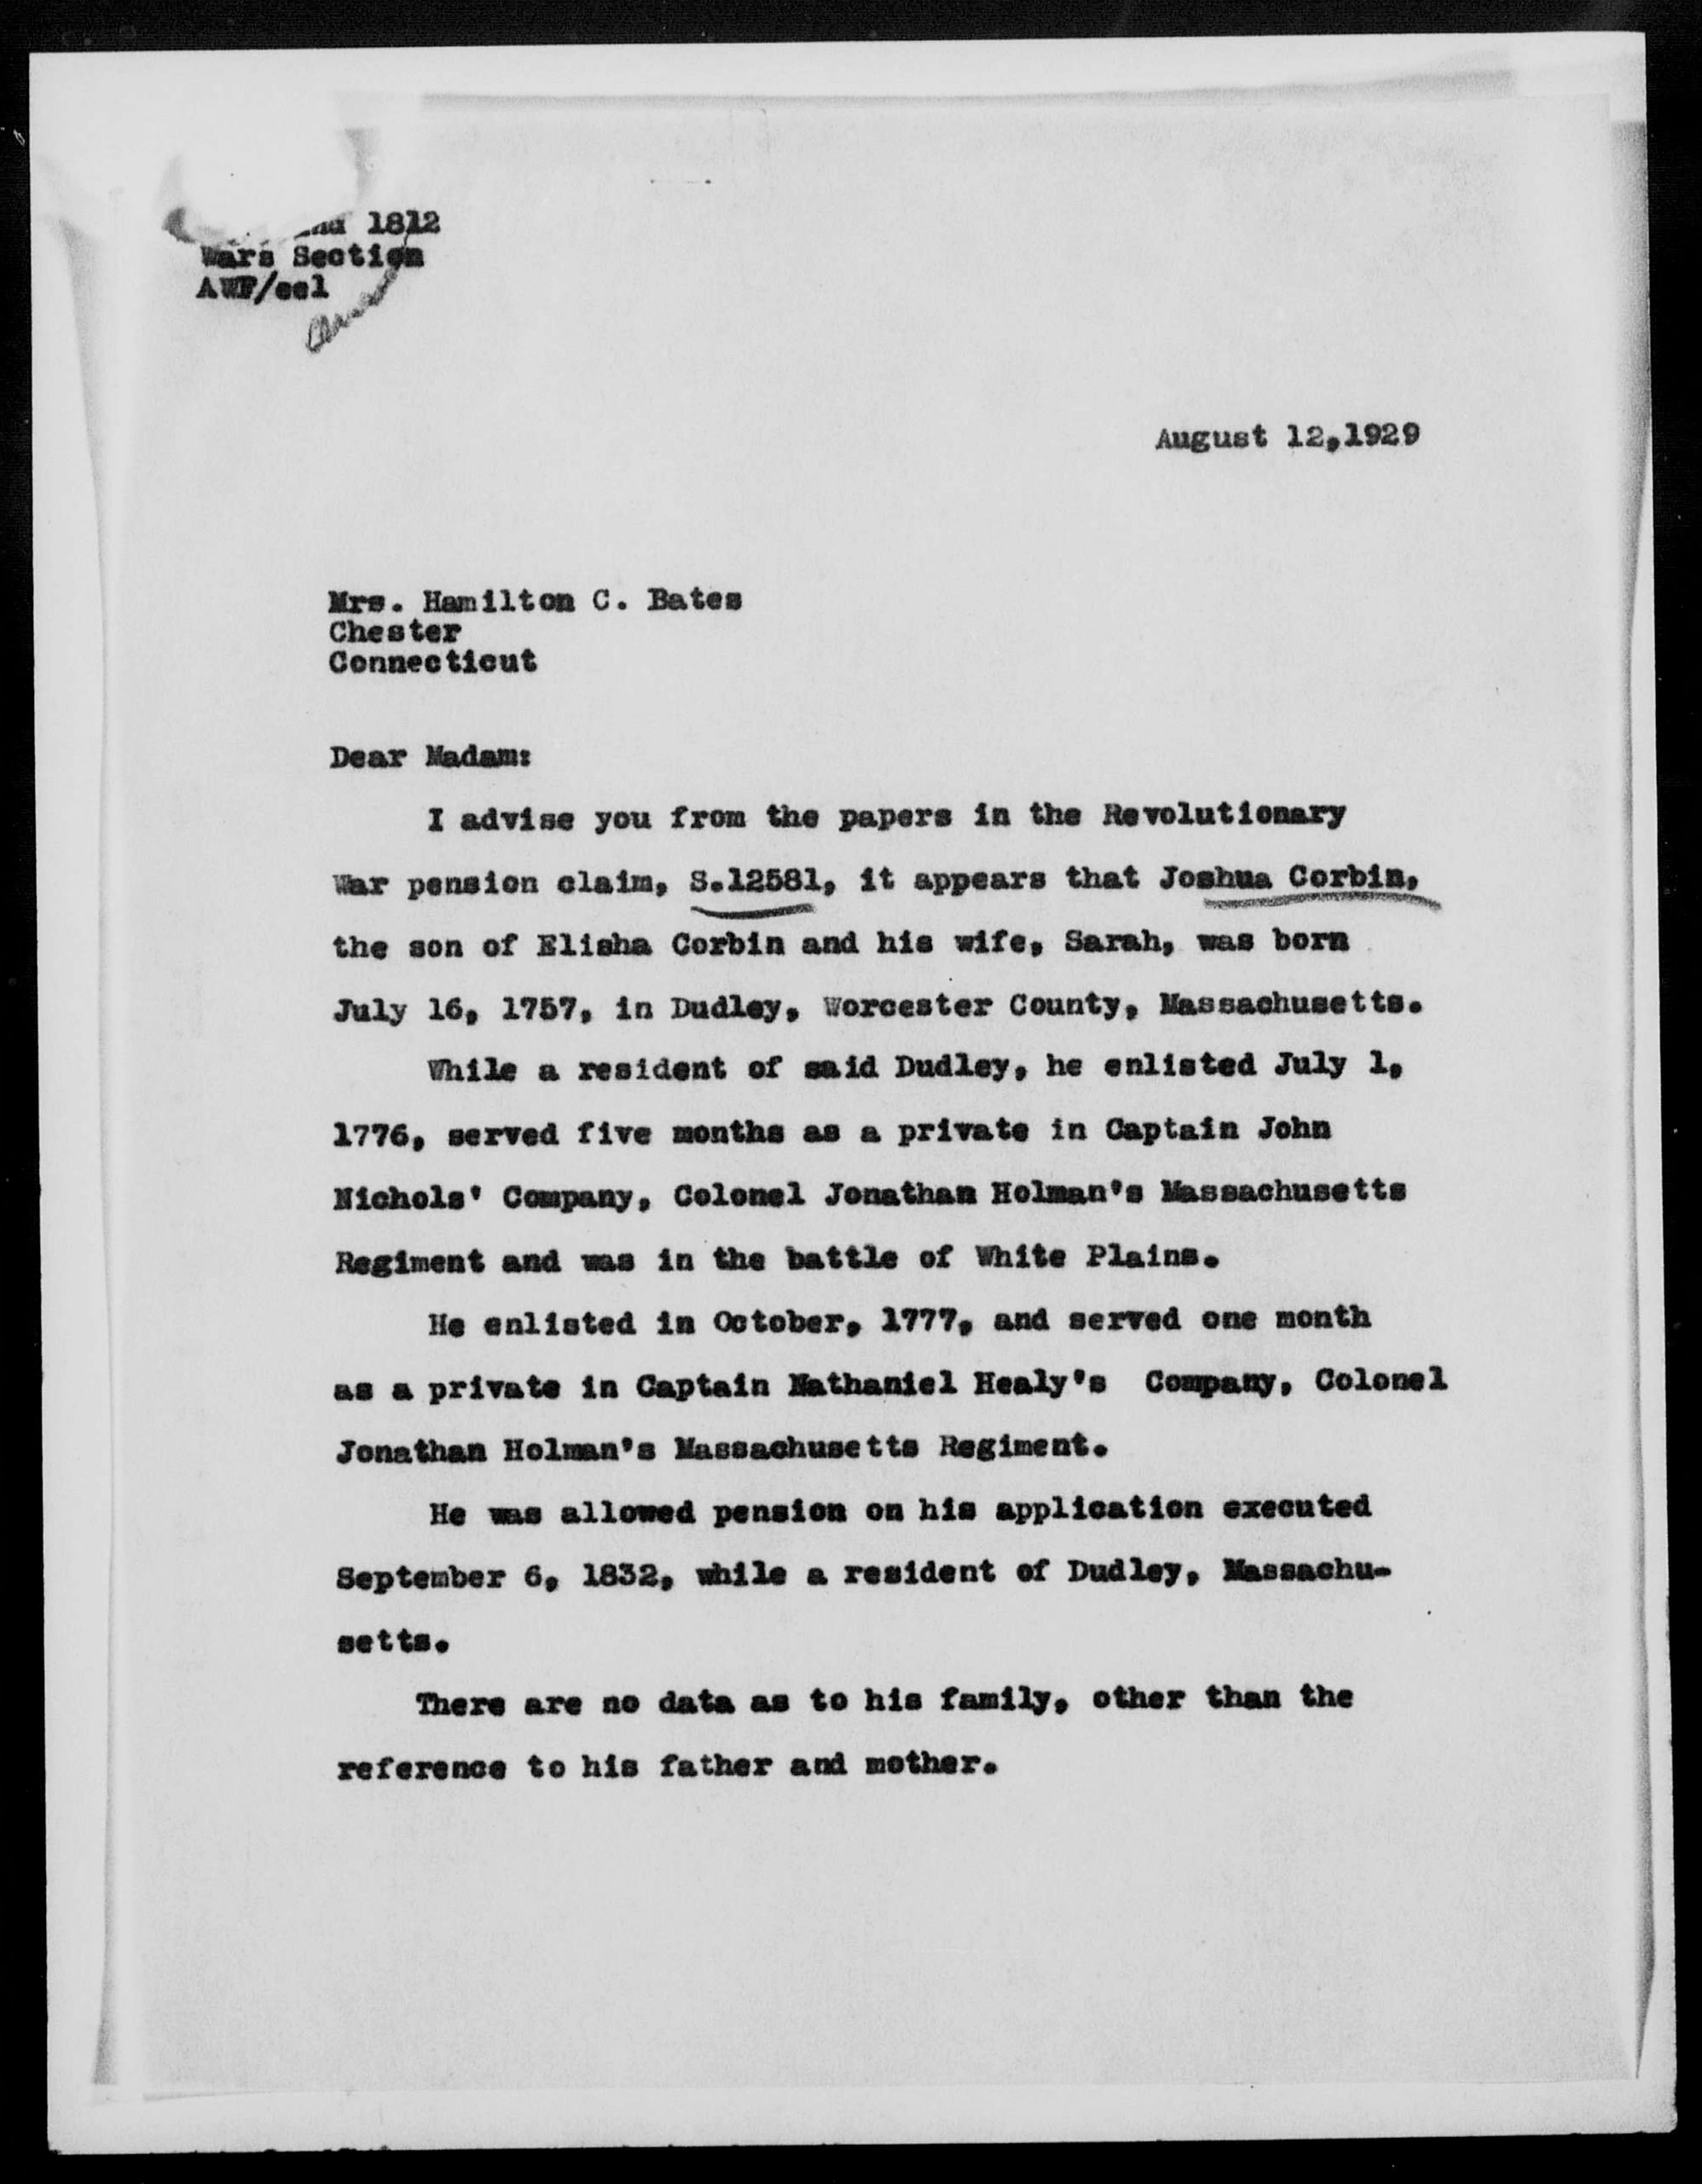August 12, 1929

Mrs. Hamilton C. Bates
Chester
Connecticut

Dear Madam:
I advise you from the papers in the Revolutionary War pension claim, S.12581, it appears that Joshua Corbin, the son of Elisha Corbin and his wife, Sarah, was born July 16, 1757, in Dudley, Worcester County, Massachusetts.
While a resident of said Dudley, he enlisted July 1, 1776, served five months as a private in Captain John NIchols' Company, Colonel Jonathan Helman's Massachusetts Regiment and was in the battle of White Plains. 
He enlisted in October, 1777, and served one month as a private in Captain Nathaniel Healy's Company, Colonel Jonathan Helman's Massachusetts Regiment. He was allowed pension on his application executed September 6, 1832, while a resident of Dudley, Massachusetts. 
There are no data as to his family other than the reference to his father and mother.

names: Joshua Corbin, Elisha Corbin, Hamilton C Bates, Sarah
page: 8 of 34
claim: survivor's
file: S. 12581, Joshua Corbin, Mass.